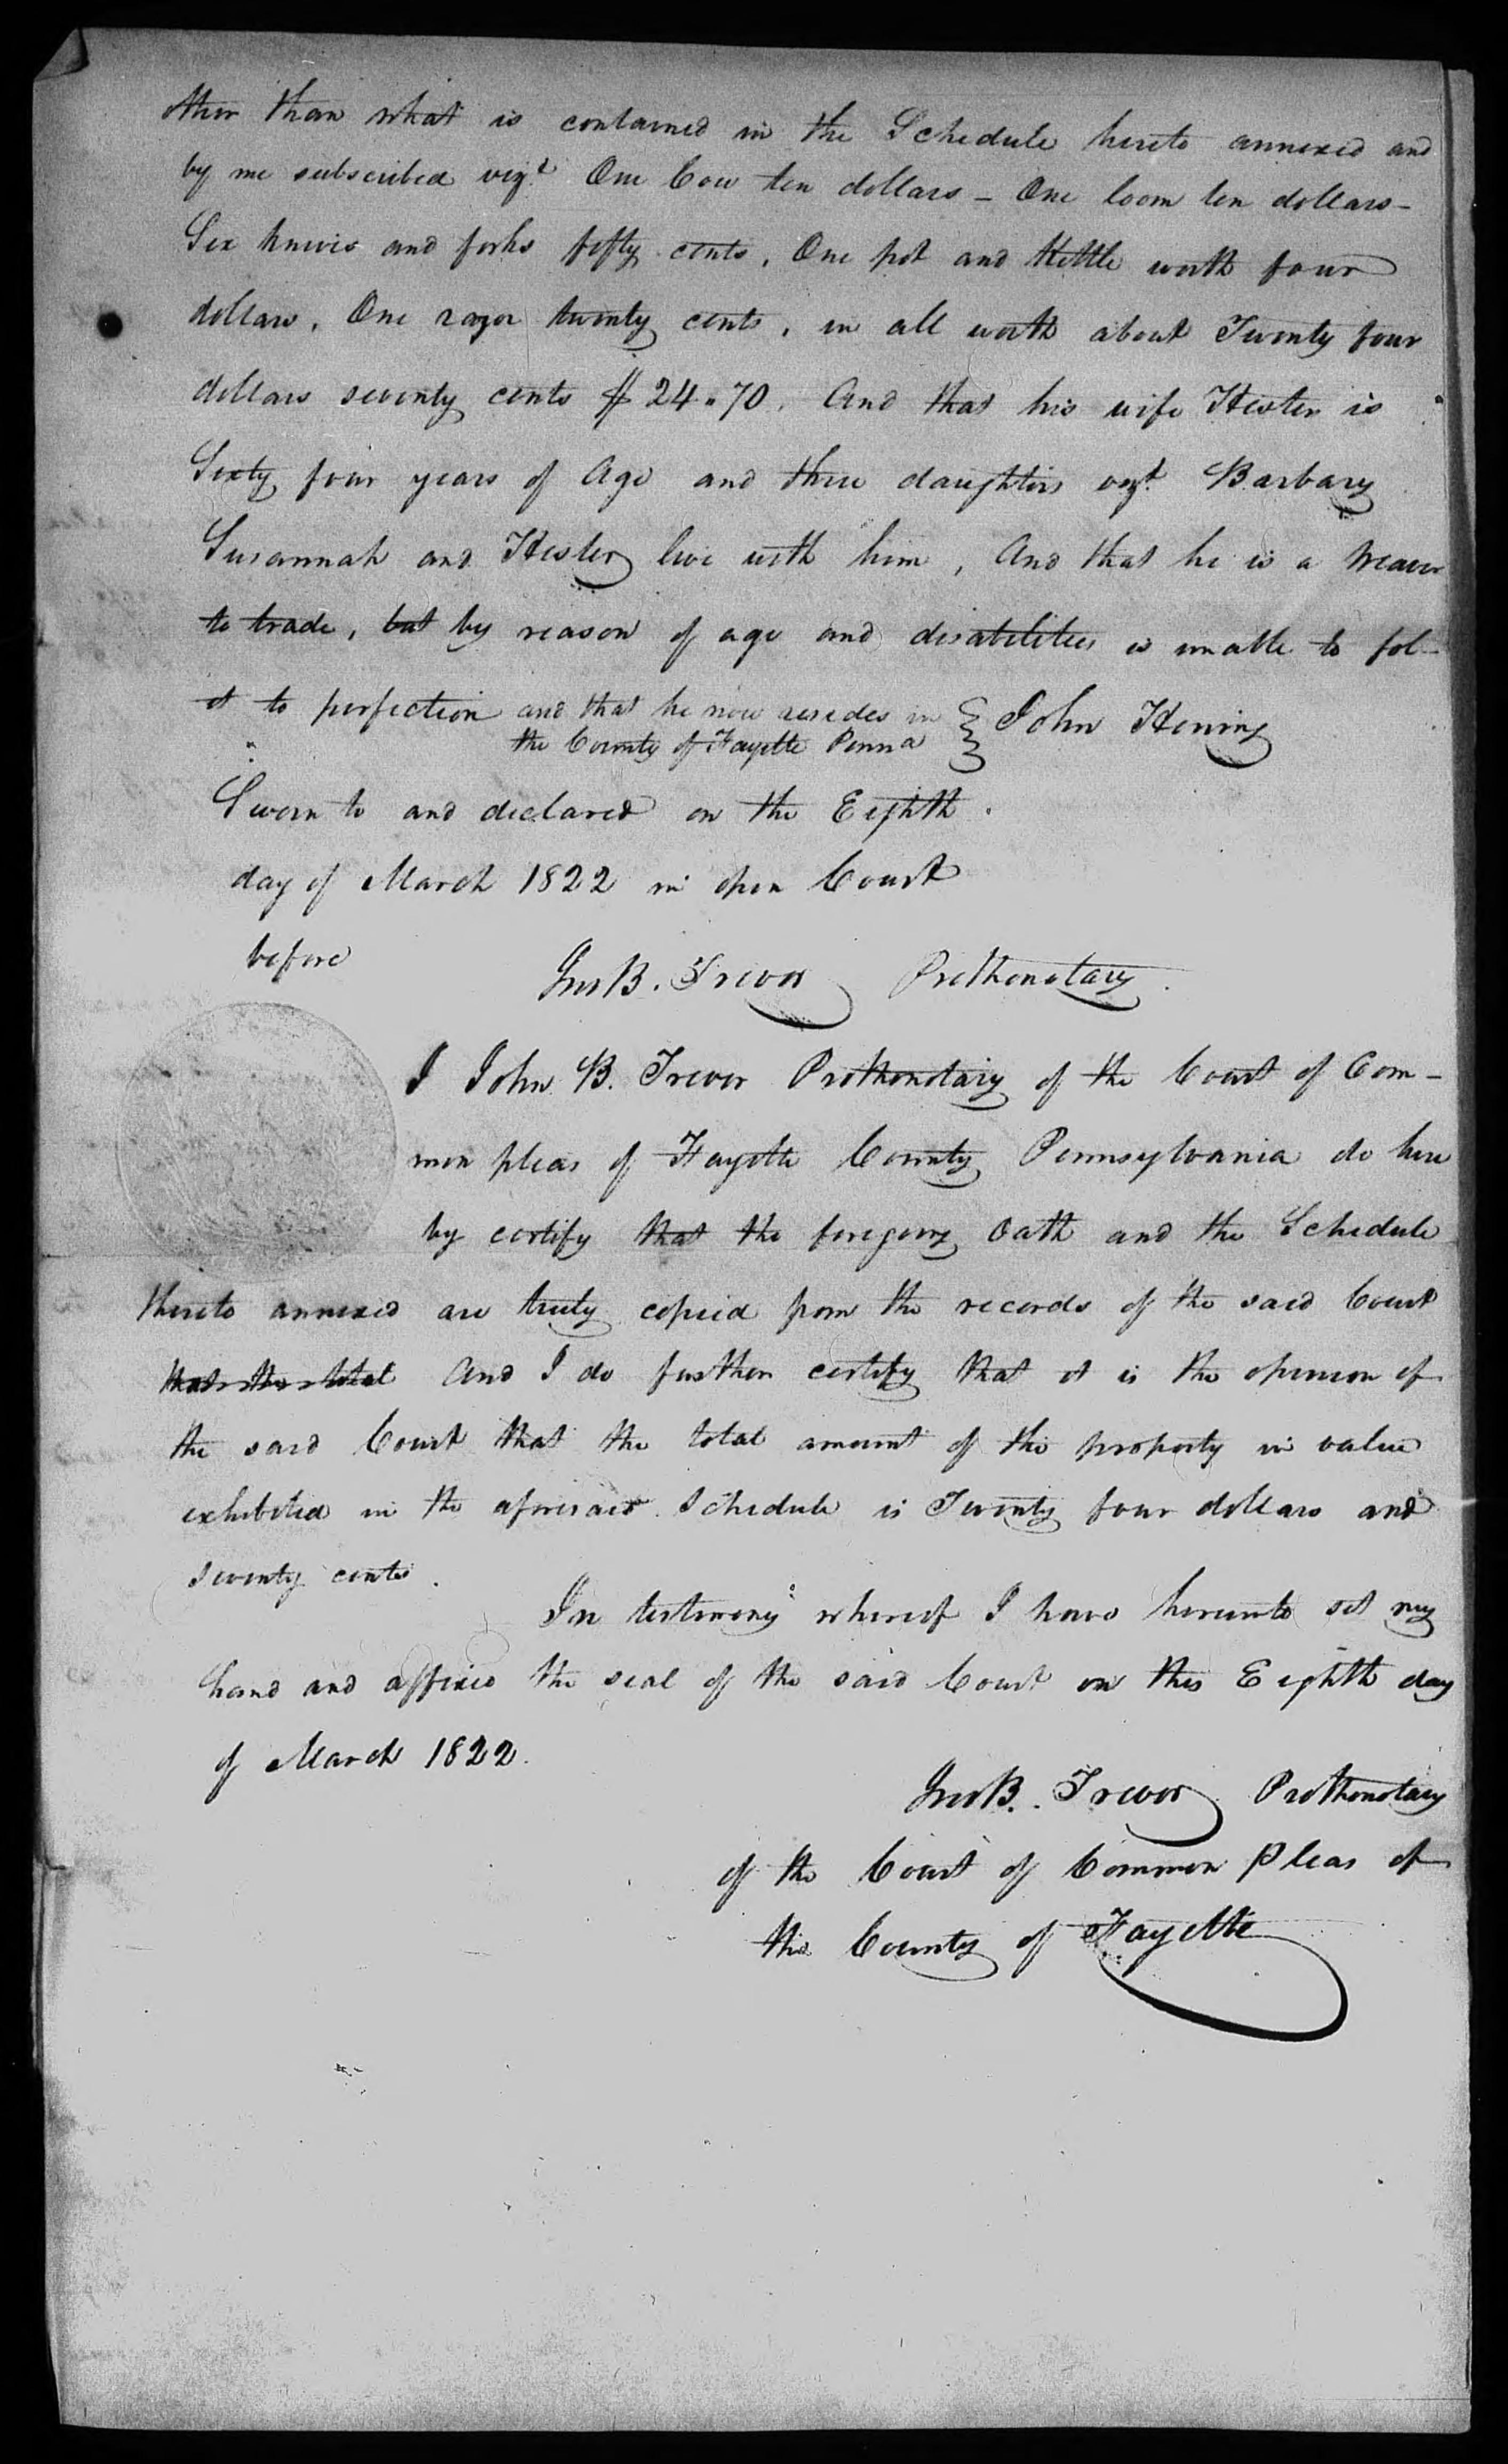other than what is contained in the Schedule hereto annexed and by me subscribed viz One Cow ten dollars - One loom ten dollars - Six knives and forks fifty cents, one pot and kettle worth four dollars, One razor twenty cents, in all worth about Twenty four dollars seventy cents $24.70. And that his wife Hester is Sixty four years of Age and three daughters of Barbary Susannah and Hester live with him, And that he is a [illegible] to trade, but by reason of age and disabilities is unable to fol it to perfection and that he now resides in the County of Fayette Penna  John Hensiz
Sworn to and declared on the Eighth day of March 1822 in open Court  before John B Snow Prothonotary 
I John B. Snow. Prothonotary  of the Court of Common Pleas of Fayette County Pennsylvania do here by certify that the foregoing oath and the Schedule thereto annexed are truly copied from the records of the said Court [something crossed out] And I do further certify that it is the opinion of the said Court that the total amount of the property in value exhibited in the aforesaid Schedule is Twenty four dollars and seventy cents.
In testimony whereof I have hereunto set my hand and affix the seal of the said Court on this Eighth day of March 1822.
John B. Snow Prothonotary   of the Court of Common Pleas of County of Fayette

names: John B Snow, Susannah, Jno B Snow, Barbary, Hester, John Hening, Hester, Jno B Snow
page: 5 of 15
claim: survivor's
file: S. 39677, John Hening, Continental (Penn.)